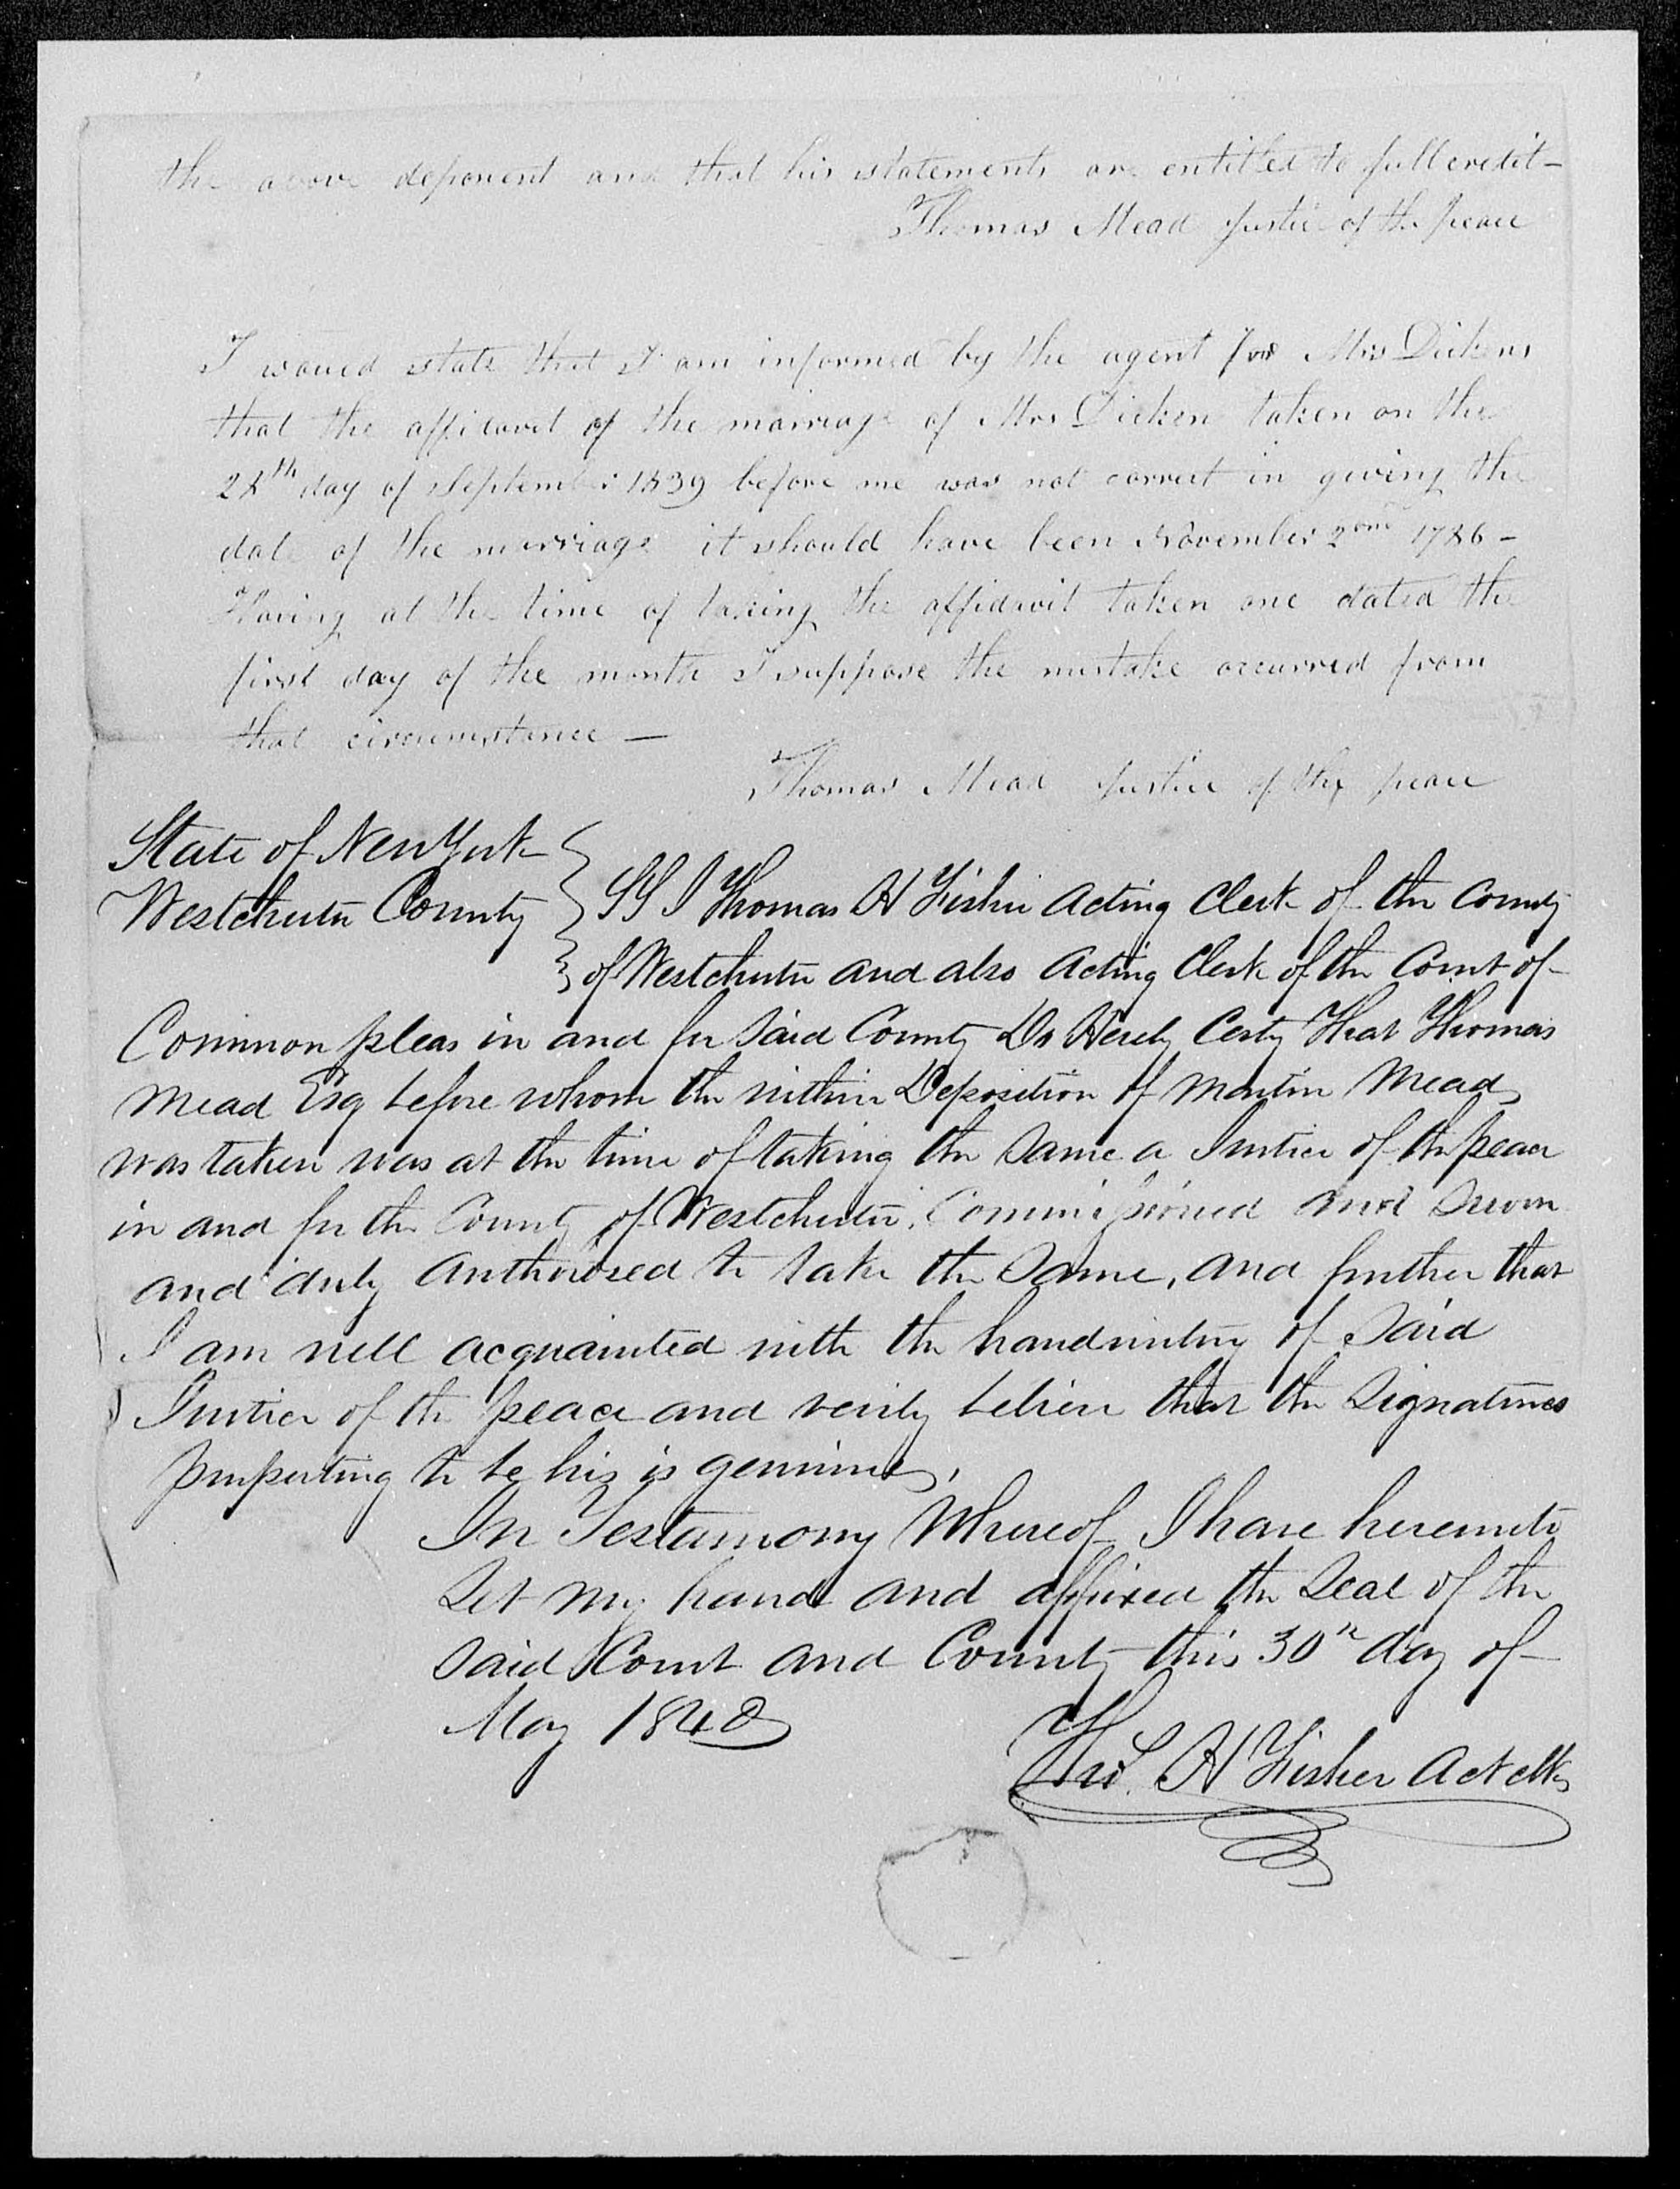the above deponent and that his statements are entitled to full credit—
Thomas Mead Justice of the peace

I would state that I am informed by the agent for Mrs Dickens that the affidavit of the marriage of Mrs Dickens taken on the 28th day of September 1839 before me was not correct in giving the date of the marriage  it should have been November 2nd 1786— Having at the time of taking the affidavit taken one dated the first day of the month I suppose the mistake occurred from the circumstance—
Thomas Mead Justice of the peace

State of New York}
Westchester County} ss

I Thomas H Fisher Acting Clerk of the County of Westchester and also Acting Clerk of the Court of Common pleas in and for said County Do Hereby Certify That Thomas Mead Esq before whom the within Deposition of Martin Mead was taken was at the time of taking the same a Justice of the peace in and for the County of Westchester Commissioned and Sworn and duly Authorized to take the same, and further that I am well acquainted with the handwriting of said Justice of the peace and verily believe that the signatures purporting to be his is genuine.
In Testamony Whereof I have hereunto Set my hand and affixed the Seal of the Said court and County - this 30th day of May 1840
Thos. H Fisher Act Clk.

Copyists note:  Copied as per original document including errors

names: Dickens, Thomas Mead, Dickens, Thomas H Fisher, Thomas Mead, Thos H Fisher, Thomas Mead, Martin Mead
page: 6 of 29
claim: widow's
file: W. 17720, Arnold Dickens, New York